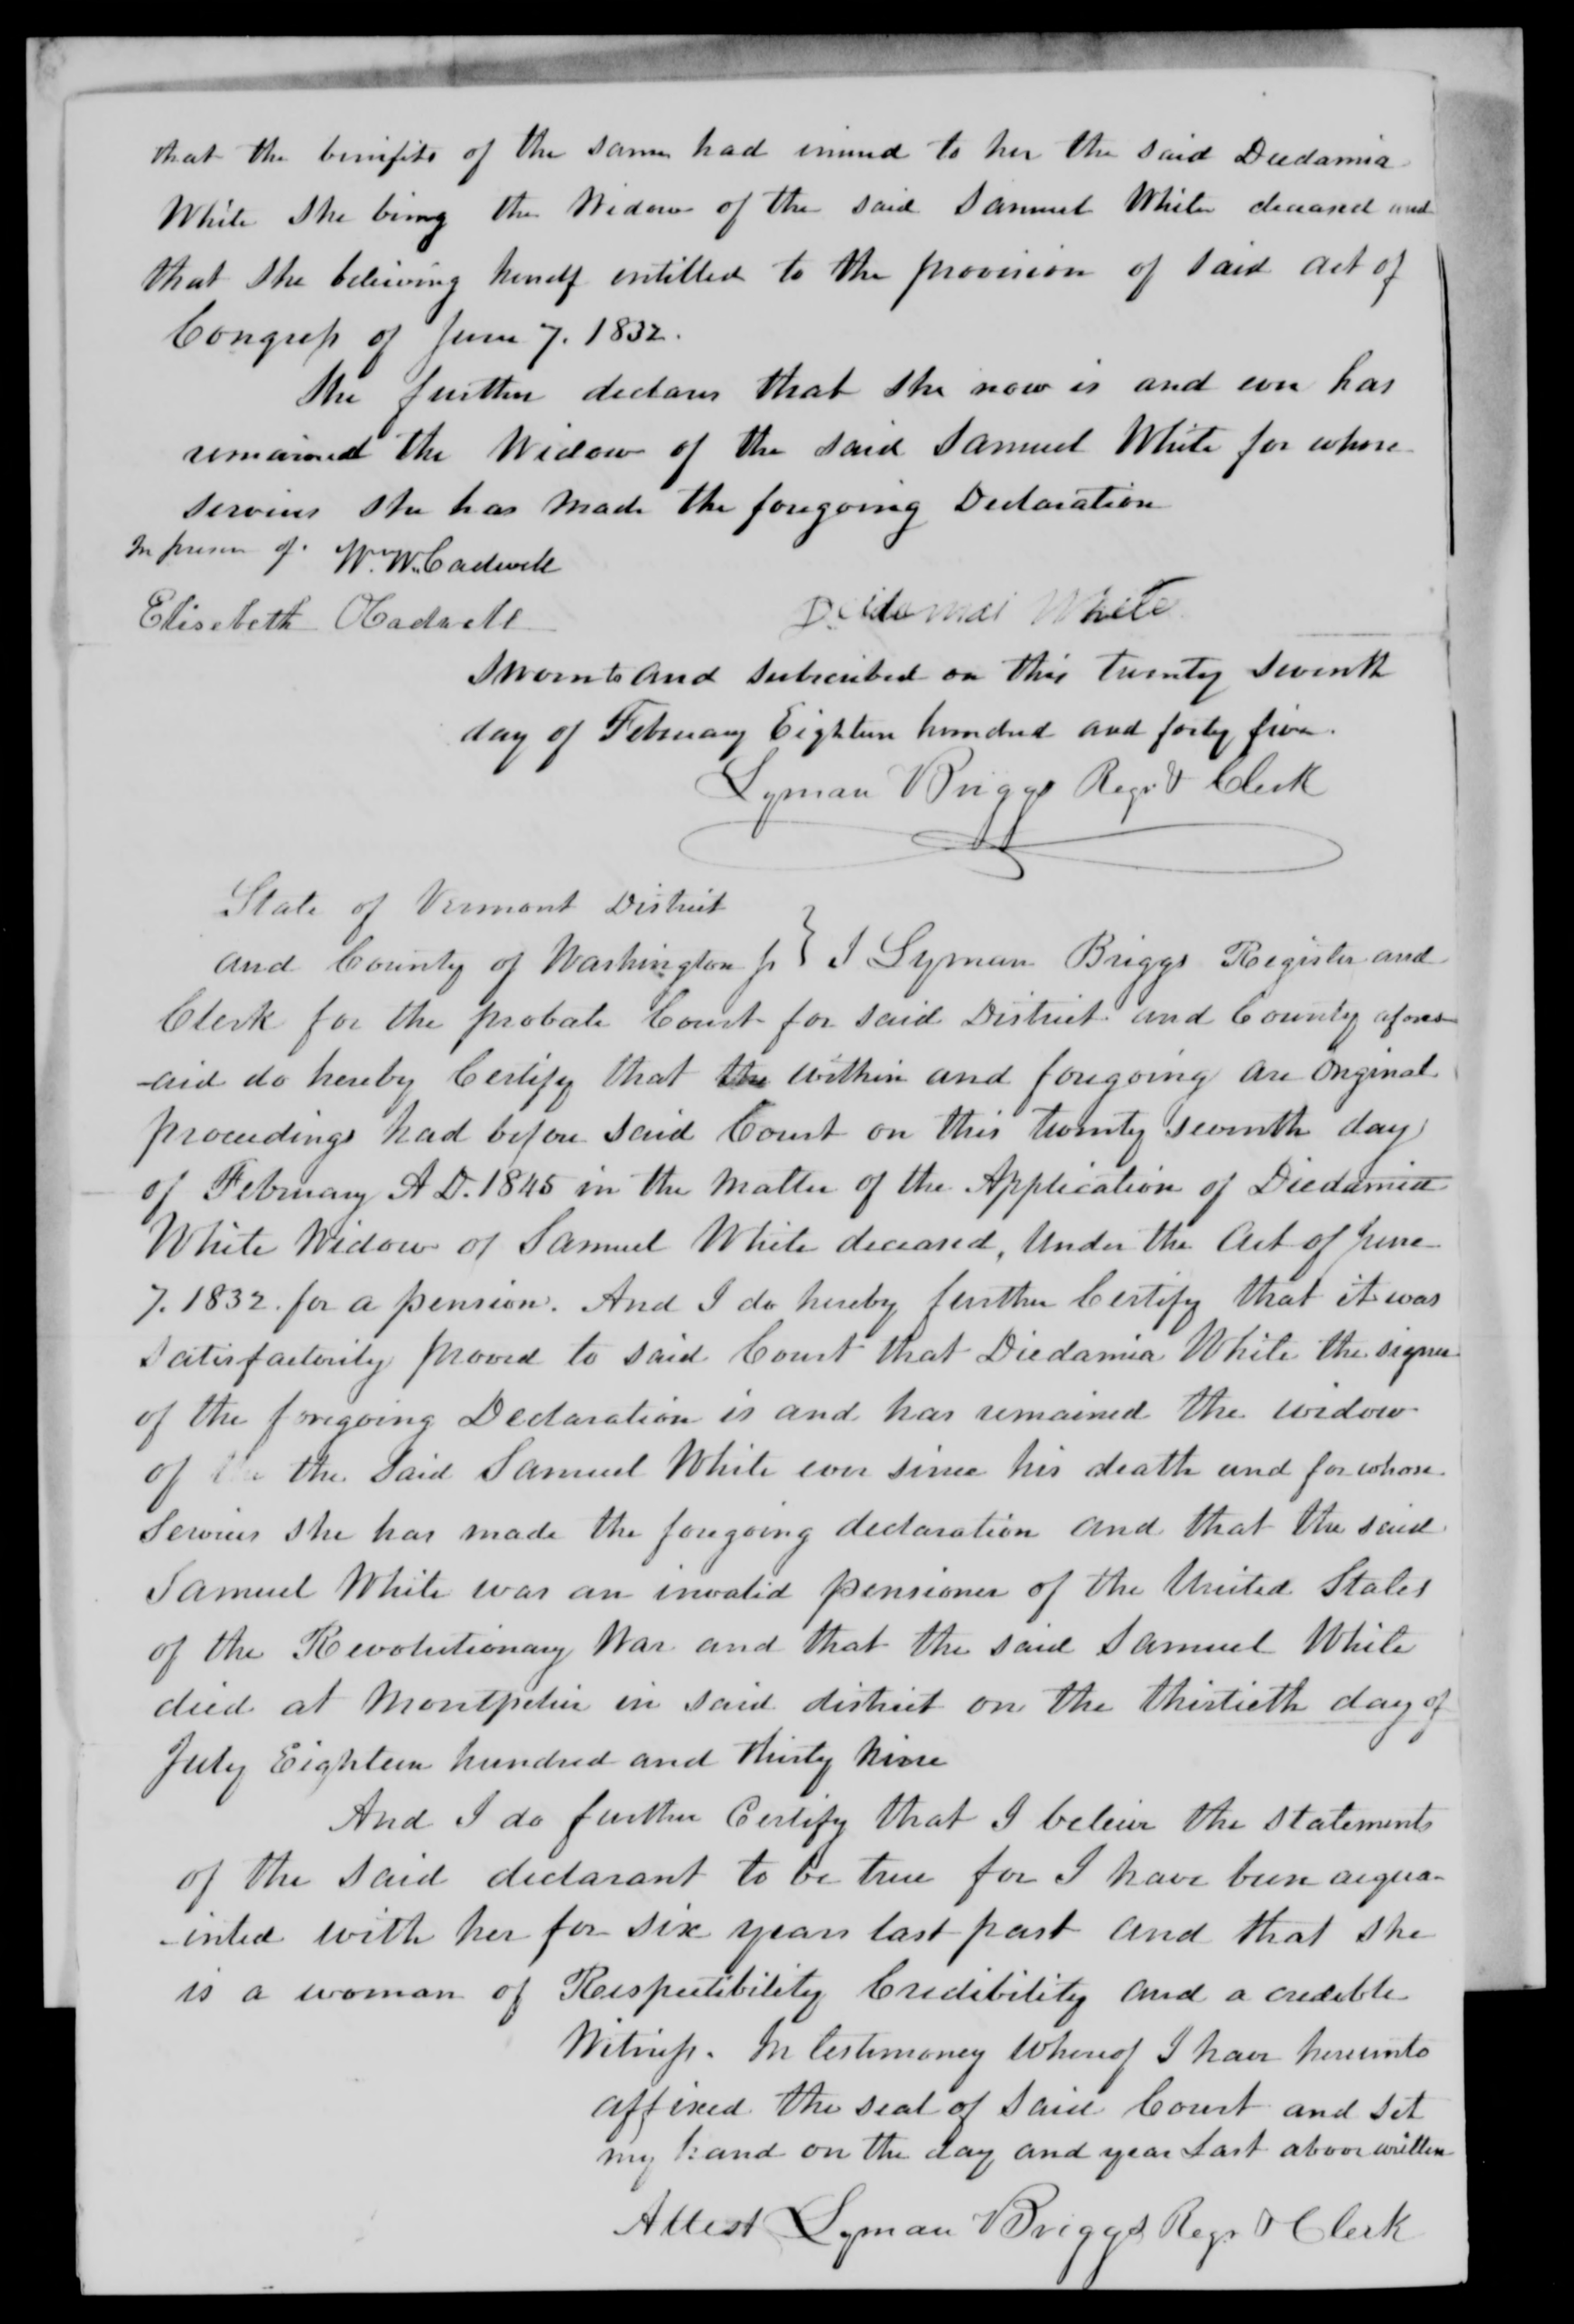that the benefits of the same had (illegible) to her the said Deidamia White she being the Widow of the said Samuel White deceased and that she believing herself entitled to the provision of said act of Congress of June 7. 1832. 
She further declares that she now is and ever has remained the Widow of the said Samuel White for whose service she has made the foregoing Declaration.
Deidamai White
 in presence of W. W. Cadwell
Elizabeth O. Cadwell
Sworn to and subscribed on this twenty seventh day of February Eighteen hundred and forty five
Lyman Briggs Regt. & Clerk

State of Vermont District 
and County of Washington SS
I Lyman Briggs Register and Clerk for the probate Court for said District and County aforesaid do hereby Certify that the within and foregoing are original proceedings had before said Court on this twenty seventh day of February A. D. 1845 in the matter of the Application of Deidamia White Widow of Samuel White deceased, Under the Act of June 7 1832 for a pension. And I do hereby further Certify that it was satisfactorily proved to said Court that Diedamia White the signer of the foregoing Declaration is and has remained the widow of the said Samuel White ever since his death and for whose services she has made the foregoing declaration. And that the said Samuel White was an invalid pensioner of the United States of the Revolutionary War and that the said Samuel White died at Montpelier in said district on the thirtieth day of  July eighteen hundred and thirty nine.
And I do further certify that I believe the statements of the said declarant to be true for I have been acquainted withher  for six years last past and that she is a woman of Respectability Credibility and a credible Witness. In testimony whereof I have hereunto affixed the seal of said Court and set my hand on the day and year last above written.
Attest Lyman Briggs Regt. & Clerk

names: Samuel White, Lyman Briggs, Deidamia White, Wm W Cadwell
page: 13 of 79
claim: survivor's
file: S. 11759, Samuel White, Mass.